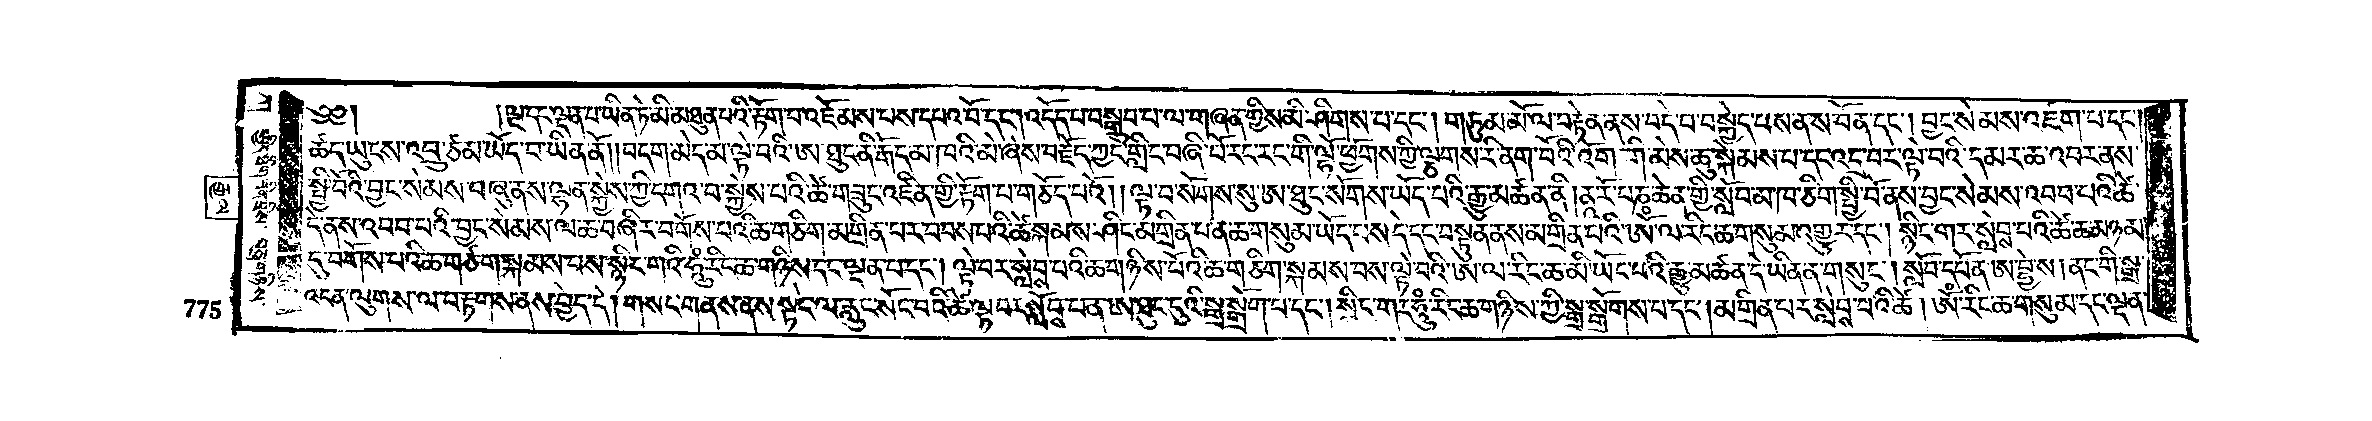༄༅། །ལྔ་དང་ལྡན་པ་ཡིན་ཏེ་མི་མཐུན་པའི་རྟོག་པ་འཇོམས་པས་དཔའ་བོ་དང་། འདོད་པ་བསྒྲུབ་པ་ལ་གཞན་གྱིས་མི་ཤིགས་པ་དང་། གཏུམ་མོ་ལ་བརྟེན་ནས་བདེ་བ་བསྐྱེད་པས་ན་ས་བོན་དང་། བྱང་སེམས་འཇིག་པ་དང་།
ཚད་ཡུངས་འབྲུ་ཙམ་ཡོད་པ་ཡིན་ནོ། །བདག་མེད་མ་ལྟེ་བའི་ཨ་ཐུང་ནི་རྒོད་མ་ཁའི་མེ་ཞེས་བརྗོད་ཀྱང་གླིང་བཞི་པོ་རང་རང་གི་ལྷོ་ཕྱོགས་ཀྱི་ལྕགས་རི་ནག་པོའི་འོག་གི་མེས་ཆུ་སྐེམས་པ་དང་འདྲ་བར་ལྟེ་བའི་དམར་ཆ་འབར་ནས་
སྤྱི་བོའི་བྱང་སེམས་བཞུ་ནས་ལྷན་སྐྱེས་ཀྱི་དགའ་བ་སྐྱེས་པའི་ཚེ་གཟུང་འཛིན་གྱི་རྟོག་པ་གཅོད་པའོ། །ལྟ་བ་སོགས་སུ་ཨ་ཐུང་སོགས་ཡོད་པའི་རྒྱུ་མཚན་ནི། ནཱ་རོ་པཎ་ཆེན་གྱི་སློབ་མ་ཁ་ཅིག་སྤྱི་བོ་ནས་བྱང་སེམས་འབབ་པའི་ཚེ་
དེ་ནས་འབབ་པའི་བྱང་སེམས་ལ་ཆ་བཞིར་བགོས་པའི་ཆ་གཅིག་མགྲིན་པར་བབས་པའི་ཚེ་སྐམས་ཤིང་མགྲིན་པ་ན་ཆ་གསུམ་ཡོད་པས་དེ་དང་བསྟུན་ནས་མགྲིན་པའི་ཨོམ་ལ་རིང་ཆ་གསུམ་འགྱུར་དང་། སྙིང་གར་སླེབས་པའི་ཚེ་ཆ་མཉམ་
དུ་བགོས་པའི་ཆ་གཅིག་སྐམས་པས་སྙིང་གའི་ཧཱུཾ་རིང་ཆ་གཉིས་དང་ལྡན་པ་དང་། ལྟེ་བར་སླེབས་པའི་ཆ་གཉིས་པོའི་ཆ་གཅིག་སྐམས་པས་ལྟེ་བའི་ཨ་ལ་རིང་ཆ་མི་ཡོང་པའི་རྒྱུ་མཚན་དེ་ཡིན་ན་གསུང་། སློབ་དཔོན་ཨ་བྷྱེ་ས། ནང་གི་སྒྲ་
འཛིན?་ལུགས་ལ་བརྟགས་ནས་བྱེད་དེ། གསང་གནས་ནས་སྟེང་ལ་རླུང་སོང་བའི་ཚེ་ལྟ་བར་སློབས་པན་ཨ་ཐུང་དུའི་སྒྲ་སྒྲོག་པ་དང་། སྲིང་གར་ཧཱུཾ་རིང་ཆ་གཉིས་ཀྱི་སྒྲ་སྒྲོགས་པ་དང་། མགྲིན་པར་སླེབས་པའི་ཚེ། ཨོཾ་རིང་ཆ་གསུམ་དང་ལྡན་